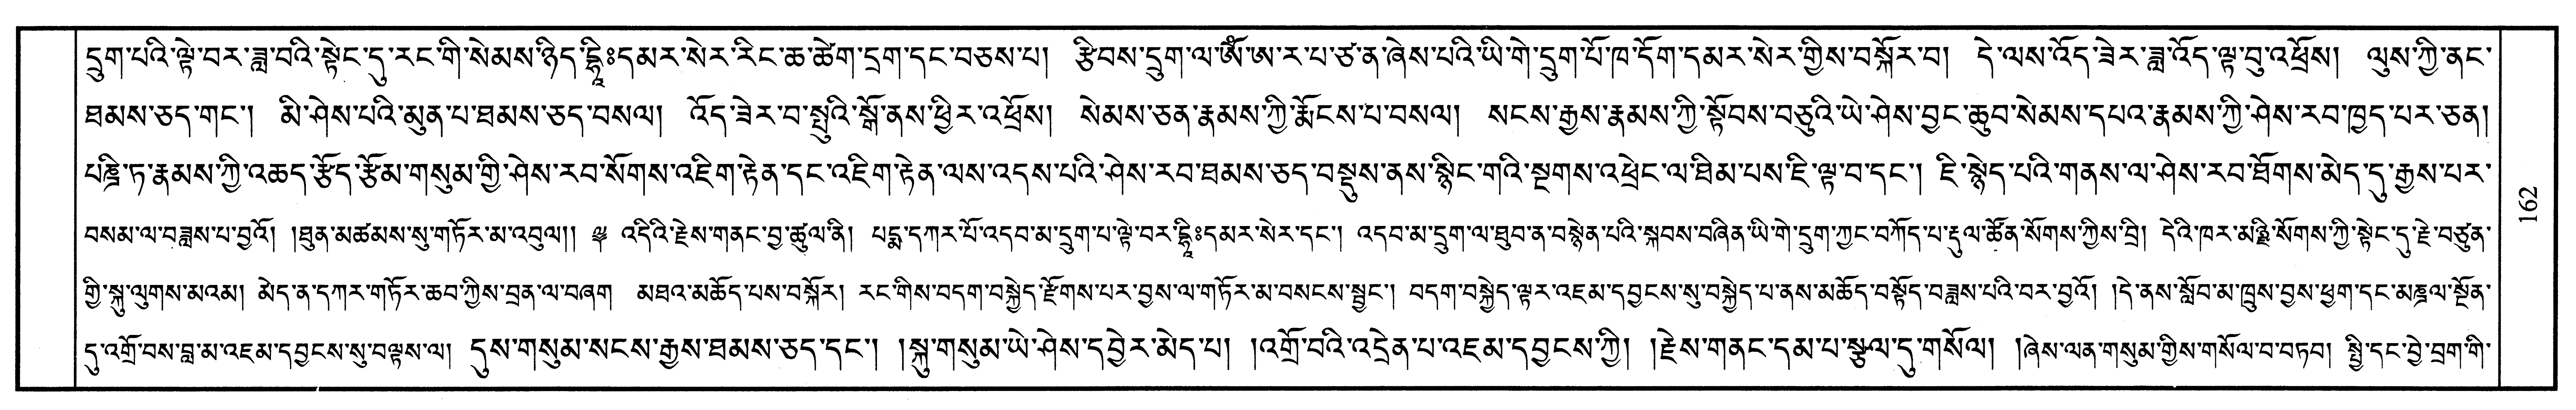དྲུག་པའི་ལྟེ་བར་ཟླ་བའི་སྟེང་དུ་རང་གི་སེམས་ཉིད་དྷཱིཿ དམར་སེར་རིང་ཆ་ཚེག་དྲག་དང་བཅས་པ། རྩིབས་དྲུག་ལ་ཨོཾ་ཨ་ར་པ་ཙ་ན་ཞེས་པའི་ཡི་གེ་དྲུག་པོ་ཁ་དོག་དམར་སེར་གྱིས་བསྐོར་བ། དེ་ལས་འོད་ཟེར་ཟླ་འོད་ལྟ་བུ་འཕྲོས། ལུས་ཀྱི་ནང་
ཐམས་ཅད་གང་། མི་ཤེས་པའི་མུན་པ་ཐམས་ཅད་བསལ། འོད་ཟེར་བ་སྤུའི་སྒོ་ནས་ཕྱིར་འཕྲོས། སེམས་ཅན་རྣམས་ཀྱི་རྨོངས་པ་བསལ། སངས་རྒྱས་རྣམས་ཀྱི་སྟོབས་བཅུའི་ཡེ་ཤེས་བྱང་ཆུབ་སེམས་དཔའ་རྣམས་ཀྱི་ཤེས་རབ་ཁྱད་པར་ཅན།
པཎྜི་ཏ་རྣམས་ཀྱི་འཆད་རྩོད་རྩོམ་གསུམ་གྱི་ཤེས་རབ་སོགས་འཇིག་རྟེན་དང་འཇིག་རྟེན་ལས་འདས་པའི་ཤེས་རབ་ཐམས་ཅད་བསྡུས་ནས་སྙིང་གའི་སྔགས་འཕྲེང་ལ་ཐིམ་པས་ཇི་ལྟ་བ་དང་། ཇི་སྙེད་པའི་གནས་ལ་ཤེས་རབ་ཐོགས་མེད་དུ་རྒྱས་པར་
བསམ་ལ་བཟླས་པ་བྱའོ། །ཐུན་མཚམས་སུ་གཏོར་མ་འབུལ།། ༈ འདིའི་རྗེས་གནང་བྱ་ཚུལ་ནི། པདམ་དཀར་པོ་འདབ་མ་དྲུག་པ་ལྟེ་བར་དྷཱིཿ དམར་སེར་དང་། འདབ་མ་དྲུག་ལ་ཐུབ་ན་བསྙེན་པའི་སྐབས་བཞིན་ཡི་གེ་དྲུག་ཀྱང་བཀོད་པ་རྡུལ་ཚོན་སོགས་ཀྱིས་བྲི། དེའི་ཁར་མཉྫི་སོགས་ཀྱི་སྟེང་དུ་རྗེ་བཙུན་
གྱི་སྐུ་ལུགས་མའམ། མེད་ན་དཀར་གཏོར་ཆབ་ཀྱིས་བྲན་ལ་བཞག །མཐའ་མཆོད་པས་བསྐོར། རང་གིས་བདག་བསྐྱེད་རྫོགས་པར་བྱས་ལ་གཏོར་མ་བསངས་སྦྱང་། བདག་བསྐྱེད་ལྟར་འཇམ་དབྱངས་སུ་བསྐྱེད་པ་ནས་མཆོད་བསྟོད་བཟླས་པའི་བར་བྱའོ། །དེ་ནས་སློབ་མ་ཁྲུས་བྱས་ཕྱག་དང་མཎྜལ་སྔོན་
དུ་འགྲོ་བས་བླ་མ་འཇམ་དབྱངས་སུ་བལྟས་ལ། དུས་གསུམ་སངས་རྒྱས་ཐམས་ཅད་དང་། །སྐུ་གསུམ་ཡེ་ཤེས་དབྱེར་མེད་པ། །འགྲོ་བའི་འདྲེན་པ་འཇམ་དབྱངས་ཀྱི། །རྗེས་གནང་དམ་པ་སྩལ་དུ་གསོལ། །ཞེས་ལན་གསུམ་གྱིས་གསོལ་བ་བཏབ། སྤྱི་དང་བྱེ་བྲག་གི་